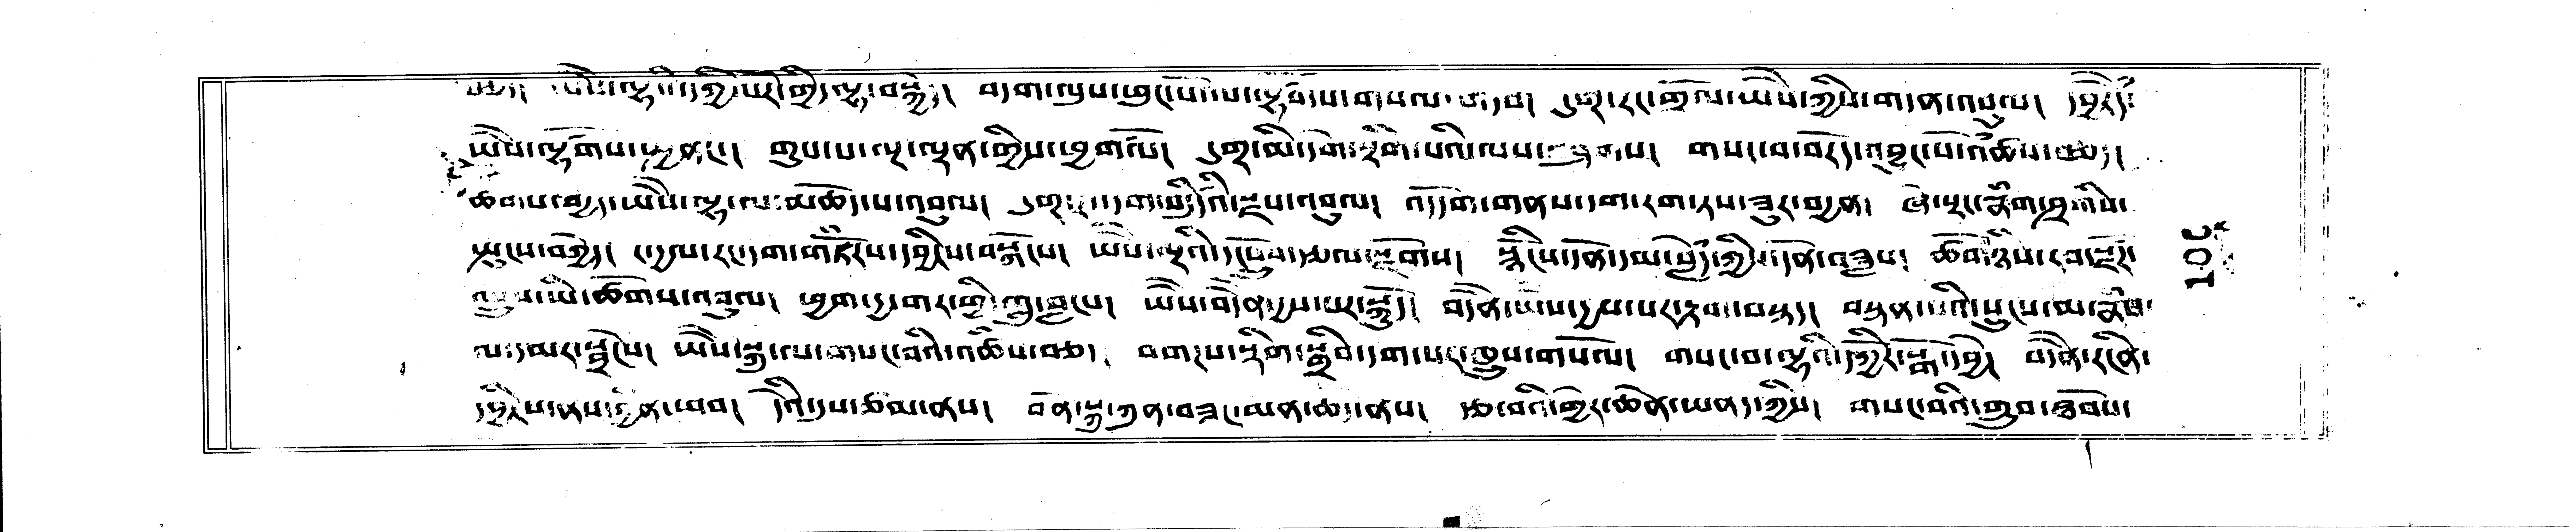བཅད། ཡེ་ཤེས་ལྷའི་དཀྱིལ་འཁོར་གྱི་ལྷ་བསྐྱེད། བདག་ལུས་ཕུང་པོ་ལ་ལྷ་ཚོགས་གསལ་གདབ། དུག་ལྔ་རང་གྲོལ་ཡེ་ཤེས་ཀྱི་གདན་འབུལ། དབྱེར་མེད་
ཡེ་ཤེས་ལྷ་ཚོགས་སྤྱན་དྲངས། གུས་པ་ལྔ་ལྡན་གྱིས་ཕྱག་འཚལ་ལོ། །དུག་ལྔ་མི་དགེ་སྡིག་པའི་ལས་བཤགས། གསང་བ་བར་ཆོད་འབྱུང་པོ་མཚམས་བཅད། 
ཚོགས་བརྒྱད་ཡེ་ཤེས་ལྷ་ལ་མཆོད་པ་འབུལ། དུག་ལྔ་རང་དག་བདུད་རྩིའི་རྫས་འབུལ། འདོད་ཆགས་གནས་དག་རཀྟས་ཟུར་བརྒྱན། ཞེ་སྡང་རྣམ་དག་ཤ་ཁྲག་གིས་
སྤུངས་བསྐྱེད། ང་རྒྱལ་རང་དག་གཏོར་མས་དབྱིངས་བསྐངས། ཡེ་ཤེས་ལྔའི་དངོས་གྲུབ་རྩལ་རྫོགས། སྙིང་པོ་དོན་དམ་བླ་མེད་ཀྱིས་དོན་བཟླས། ཚོགས་གཉིས་རབ་རྫོགས་འབྲས་
བུ་ཡི་ཚོིགས་འབུལ། ཕྱག་རྒྱ་གར་གྱི་གླུ་བླངས། ཡེ་ཤེས་བདེ་ཆེན་རྒྱས་པར་སྐུ་བསྟོད། བདེ་ཆེན་ཡེ་ཤེས་རྒྱས་པར་རྟགས་བསྟད། བསྟན་པའི་སྲུང་མ་རྣམས་
ལ་དམར་སྦྲེངས། ཡེ་ཤེས་སྐུ་ལ་གསང་བའི་མཚམས་བཅད། བག་ཆགས་སྡིག་སྒྲིབ་དག་པར་ཁྲུས་གསོལ། གསང་བ་ལྷའི་དཀྱིལ་འཁོར་སྒོ་དབྱེ། བདེ་ཆེན་རང་བཞིན་
དབྱིངས་ནས་བྱིན་ཕབ། དེའི་དུས་ཙམ་ན། བོན་སྐུ་ཀུན་བཟང་མན་ཆད་ནས། རྩ་བའི་གྱེར་ཆེན་ཡན་ཆད་ཀྱིས། གསང་བའི་གྲུབ་ཐོབ་